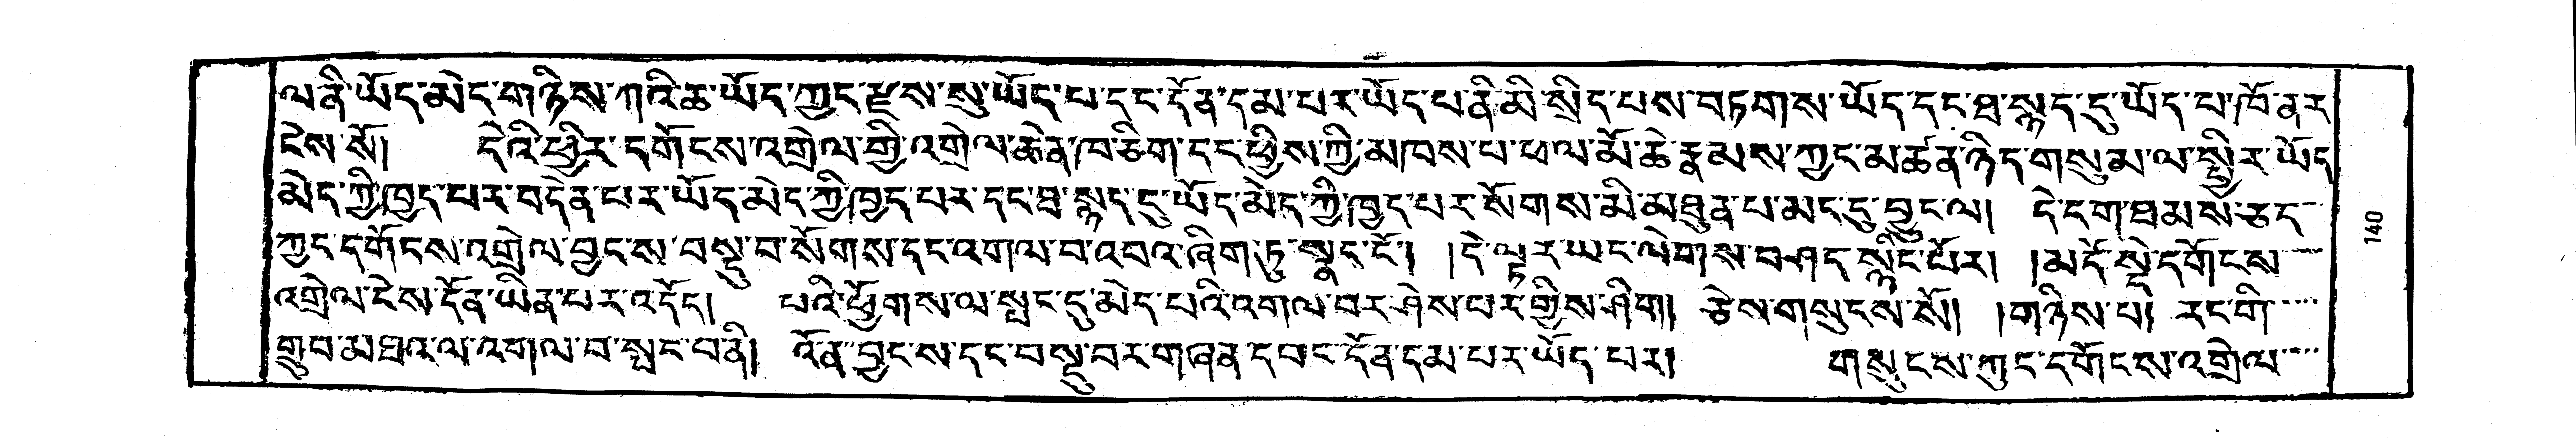ལ་ནི་ཡོད་མེད་གཉིས་ཀའི་ཆ་ཡོད་ཀྱང་རྫས་སུ་ཡོད་པ་དང་དོན་དམ་པར་ཡོད་པ་ནི་མི་སྲིད་པས་བཏགས་ཡོད་དང་ཐ་སྙད་དུ་ཡོད་པ་ཁོ་ནར་
ངེས་སོ། དེའི་ཕྱིར་དགོངས་འགྲེལ་གྱི་འགྲེལ་ཆེན་ཁ་ཅིག་དང་ཕྱིས་ཀྱི་མཁས་པ་ཕལ་མོ་ཆེ་རྣམས་ཀྱང་མཚན་ཉིད་གསུམ་ལ་སྤྱིར་ཡོད་
མེད་ཀྱི་ཁྱད་པར་བདེན་པར་ཡོད་མེད་ཀྱི་ཁྱད་པར་དང་ཐ་སྙད་དུ་ཡོད་མེད་ཀྱི་ཁྱད་པར་སོགས་མི་མཐུན་པ་མང་དུ་བྱུང་ལ། དེ་དག་ཐམས་ཅད་
ཀྱང་དགོངས་འགྲེལ་བྱང་ས་བསྡུ་བ་སོགས་དང་འགལ་བ་འབའ་ཞིག་ཏུ་སྣང་ངོ། །དེ་ལྟར་ཡང་ལེགས་བཤད་སྙིང་པོར། །མདོ་སྡེ་དགོངས་
འགྲེལ་ངེས་དོན་ཡིན་པར་འདོད། པའི་ཕྱོགས་ལ་སྤང་དུ་མེད་པའི་འགལ་བར་ཤེས་པར་གྱིས་ཤིག །ཅེས་གསུངས་སོ། །གཉིས་པ། རང་གི་
གྲུབ་མཐའ་ལ་འགལ་བ་སྤང་བ་ནི། འོ་ན་བྱང་ས་དང་བསྡུ་བར་གཞན་དབང་དོན་དམ་པར་ཡོད་པར། གསུངས་ཀུན་དགོངས་འགྲེལ་